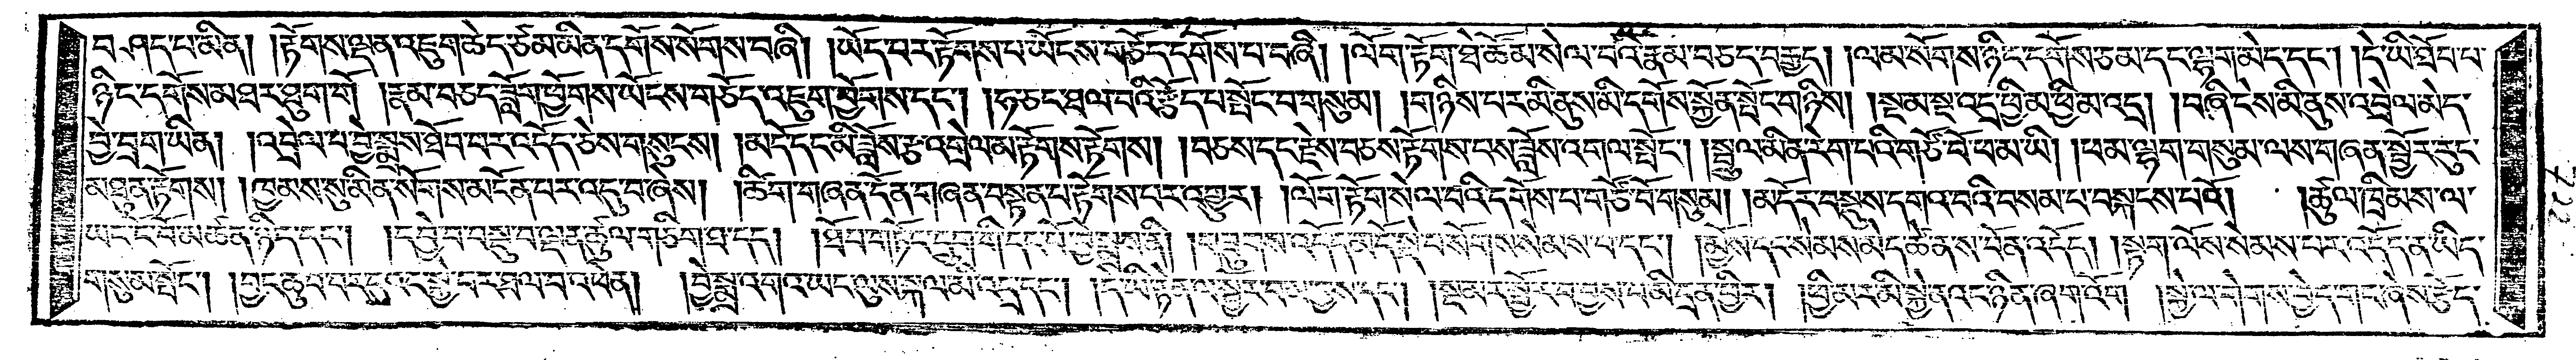བཤད་པ་མིན། །རྟོགས་ལྡན་འཇུག་ཆེད་ཙམ་མིན་དགོས་སོགས་བཞི། །ཡོད་པར་རྟོགས་པ་ཡོངས་གཅོད་དགོས་པ་བཞི། །ལོག་རྟོག་ཐེ་ཚོམ་སེལ་བའི་རྣམ་བཅད་བརྒྱད། །ལམ་སོགས་ཉིད་དགོས་ཙམ་དང་ལྷག་མེད་དང་། །དེ་ཡི་ཐོབ་པ་
ཉིད་དགོས་མཐར་ཐུག་གོ །རྣམ་བཅད་ཟློག་ཕྱོགས་ཡོངས་གཅོད་འཇུག་ཕྱོགས་དང་། །ཧ་ཅང་ཐལ་བའི་རྩོད་པ་སྤོང་བ་གསུམ། །གཉིས་པར་མི་ནུས་མི་དགོས་སྐྱོན་སྤོང་གཉིས། །སྔ་མ་སྔ་འདྲ་ཕྱི་མ་ཕྱི་མ་འདྲ། །བཞི་ངེས་མི་ནུས་འབྲེལ་མེད་
བྱེ་བྲག་ཡིན། །འབྲེལ་པ་བྱེ་སྨྲས་ཐོབ་པར་འདོད་ཅེས་གསུངས། །མདོ་དང་མི་ཟློས་རྩ་འགྲེལ་མ་རྟོགས་རྟོགས། །བཅས་དང་རྗེས་བཅས་རྟོགས་པས་ཟློས་འགལ་སྤོང་། །སྦྲུལ་མིན་རེག་པའི་གཙོ་བོ་ཕམ་ཡི། །ཕམ་ལྷག་གསུམ་ལས་གཞན་སྦྱོར་རུང་
མཐུན་རྟོགས། །ཁྱམས་སུ་མིན་སོགས་མངོན་པར་འདུ་བ་ཞེས། །ཚིག་གཞན་དོན་གཞན་བསྟན་པ་རྟོགས་པར་འགྱུར། །ལོག་རྟོག་སེལ་བའི་དགོས་པ་གཙོ་བོ་གསུམ། །མདོར་བསྡུས་དགའ་བའི་བསམ་པ་བསྐངས་པའོ་།ཚུལ་ཁྲིམས་ལ་
ཡང་ངོ་བོ་མཚན་ཉིད་དང་། །དབྱེ་བ་བསྡུ་བ་ལྡན་ཚུལ་གཅིག་ཐ་དད། །ཐོབ་གཏོང་དྲུག་གི་དང་པོ་བྱེ་སྨྲས་ནི། །གཟུགས་འདོད་མདོ་སྡེ་པ་སོགས་སེམས་པ་དང་། །མྱོས་དང་སེམས་མེད་ཚེ་ནས་ས་བོན་འདོད། །སྟག་ལོས་སེམས་པར་འདོད་ན་ཡིད་
གསུམ་སྤོང་། །བྱང་ཆུབ་བར་དུའང་སྐྱེ་བར་ཐལ་བ་འཕེན། །བྱེ་སྨྲ་འགའ་ཡང་ལུས་སྐལ་མི་འདྲ་དང་། །དེ་ཡི་རྟེན་ལ་སྦྱོར་བ་མ་བྱས་དང་། །སྔ་མར་སྦྱོར་བ་བྱས་པ་མི་དྲན་ཕྱིར། །ཕྱི་མར་མི་སྐྱེ་ནའང་ཉིན་ཞག་འོག །སྐྱེ་ལ་གེགས་བྱེད་གང་ཞེས་རྩོད་